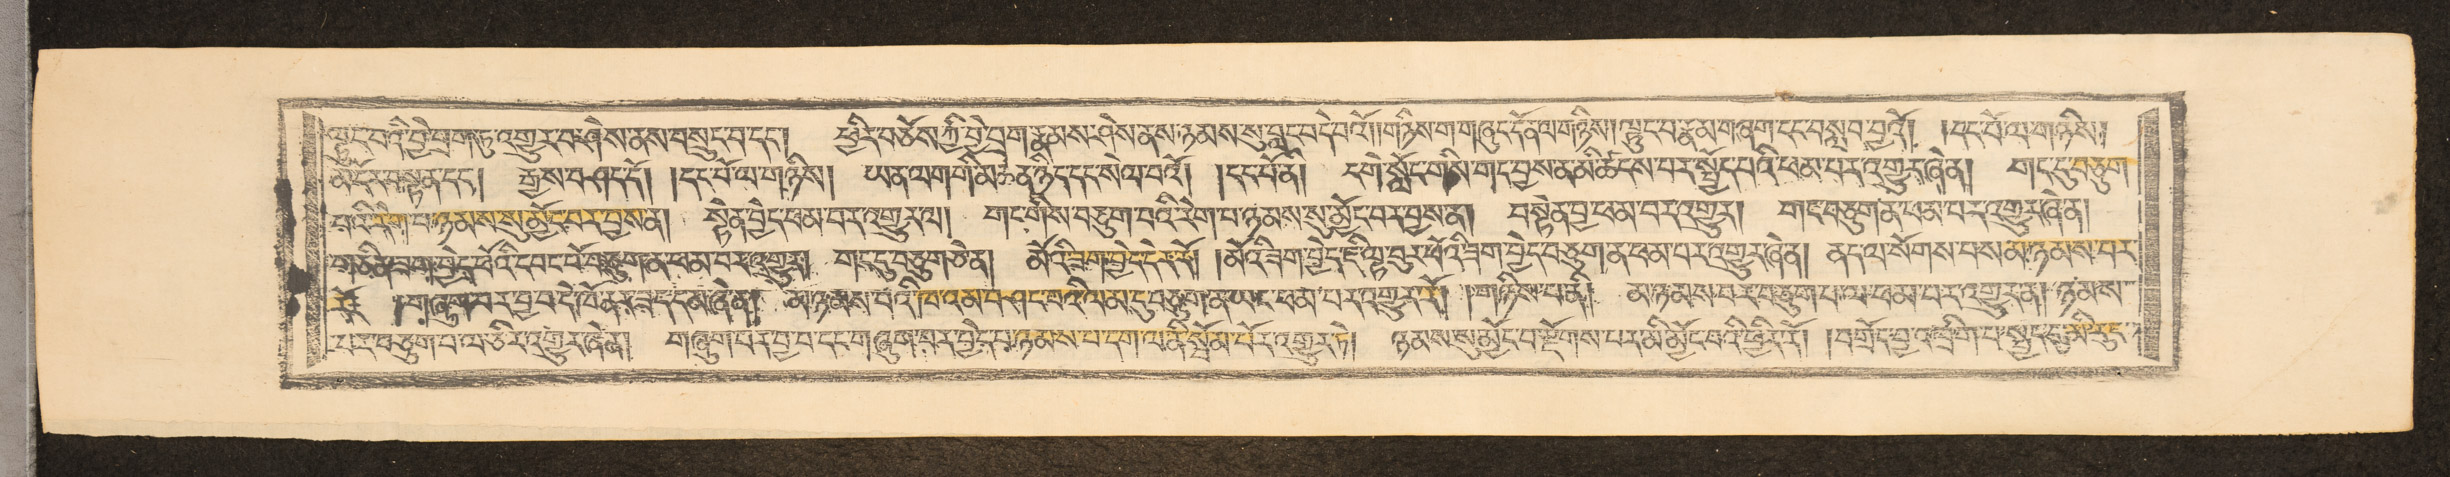ལྟུང་བའི་བྱེ་བྲག་ཏུ་འགྱུར་བ་ཤེས་ནས་བསྲུང་བ་དང་། ཕྱིར་བཅོས་ཀྱི་བྱེ་བྲག་རྣམས་ཤེས་ནས་ཉམས་སུ་བླང་བདེ་བའོ། །གཉིས་པ། གཞུང་དོན་ལ་གཉིས། ལྟུང་བ་རྣམ་གཞག་དང་བསླབ་བྱའོ། །དང་པོ་ལ་གཉིས།
མདོར་བསྟན་དང་། རྒྱས་བཤད་དོ། །དང་པོ་ལ་གཉིས། ཡན་ལག་གི་མཚན་ཉིད་དང་སེལ་བའོ། །དང་པོ་ནི། དགེ་སློང་གིས་གང་བྱས་ན་མི་ཚངས་པར་སྤྱོད་པའི་ཕམ་པར་འགྱུར་ཞེ་ན། གང་དུ་བཅུག་
པའི་རེག་པ་ཉམས་སུ་མྱོང་བར་བྱས་ན། སྟེན་བྱེད་ཕམ་པར་འགྱུར་ལ། གང་གིས་བཅུག་པའི་རེག་པ་ཉམས་སུ་མྱོང་བར་བྱས་ན། བསྟེན་བྱ་ཕམ་པར་འགྱུར། གང་བཅུག་ན་ཕམ་པར་འགྱུར་ཞེ་ན།
གཅིན་ཟག་བྱེད་ཕོའི་དབང་པོ་བཅུག་ན་ཕམ་བར་འགྱུར། གང་དུ་བཅུག་ཅེ་ན། མོའི་ཟག་བྱེད་དེར་རོ། །མོའི་ཟག་བྱེད་ཇི་ལྟ་བུར་ཕོའི་ཟག་བྱེད་བཅུག་ན་ཕམ་པར་འགྱུར་ཞེ་ན། ནད་ལ་སོགས་པས་མ་ཉམས་པར་
རོ༑ །གཞུག་པར་བྱ་བ་དེ་ཁོ་ནར་ཟད་དམ་ཞེ་ན། མ་ཉམས་པའི་ཁའམ་བཤང་བའི་ལམ་དུ་བཅུག་ན་ཡང་ཕམ་པར་འགྱུར་རོ། །གཉིས་པ་ནི། མ་ཉམས་པར་བཅུག་པ་ལ་ཕམ་པར་འགྱུར་ན། ཉམས་
པར་བཅུག་པ་ལ་ཅིར་འགྱུར་ཞེ་ན། གཞུག་པར་བྱ་བ་དང་གཞུག་པར་བྱེད་པ་ཉམས་པ་དག་ལ་ནི་སྦོམ་པོར་འགྱུར་ཏེ། ཉམས་སུ་མྱོང་བ་རྫོགས་པར་མི་མྱོང་བའི་ཕྱིར་རོ། །བགྲོང་བྱ་འཁྲིག་པ་སྤྱད་དུ་མི་རུང་